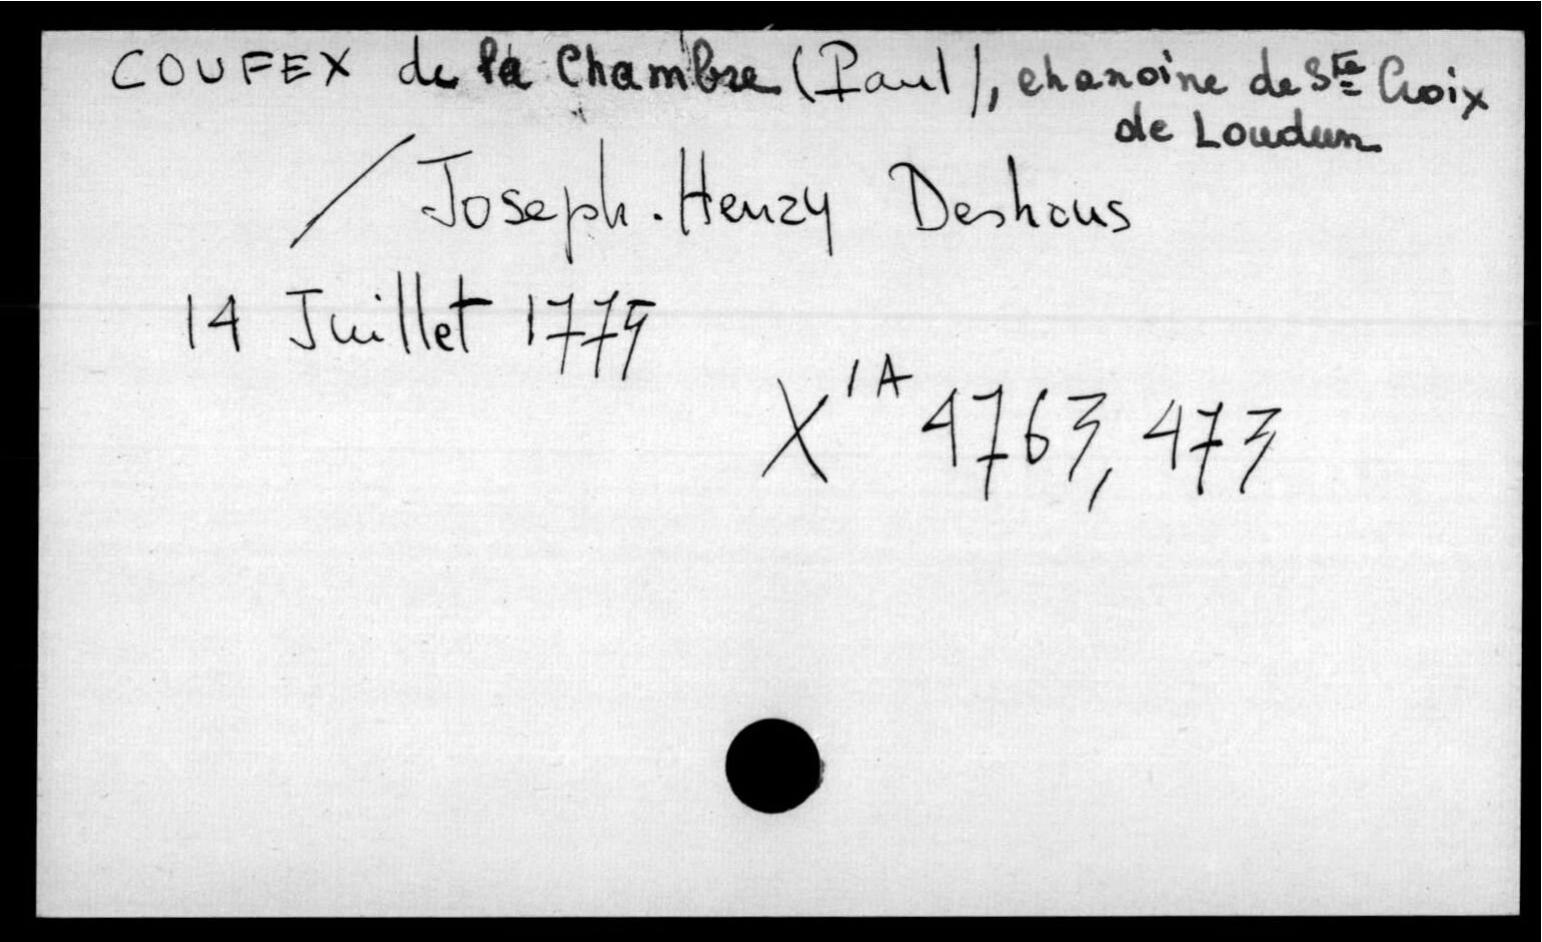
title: COUFEX de la Chambre (Paul), chanoine de Saint-Croix de Loudun
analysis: Contre Joseph-Henry Deshous
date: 14 juillet 1775
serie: X1A
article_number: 4763
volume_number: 473
